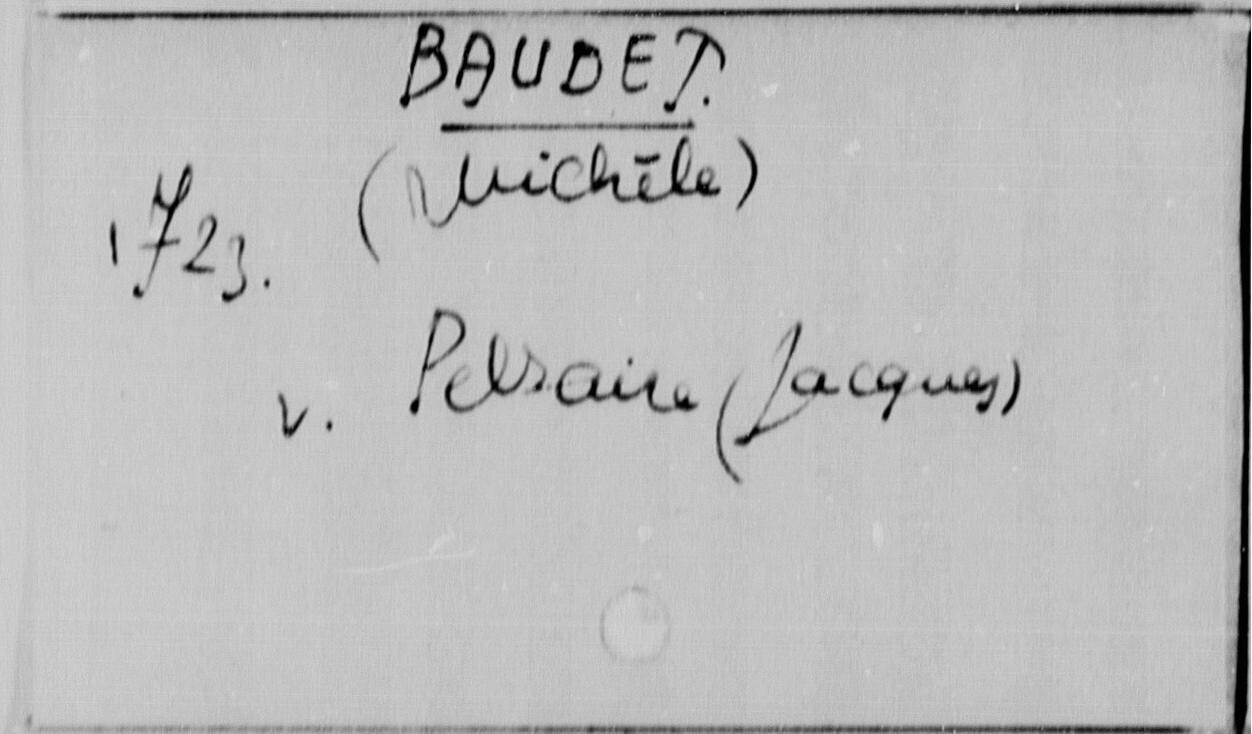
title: BAUDET (Michèle)
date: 1723
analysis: Voir PELSAIRE (Jacques)
